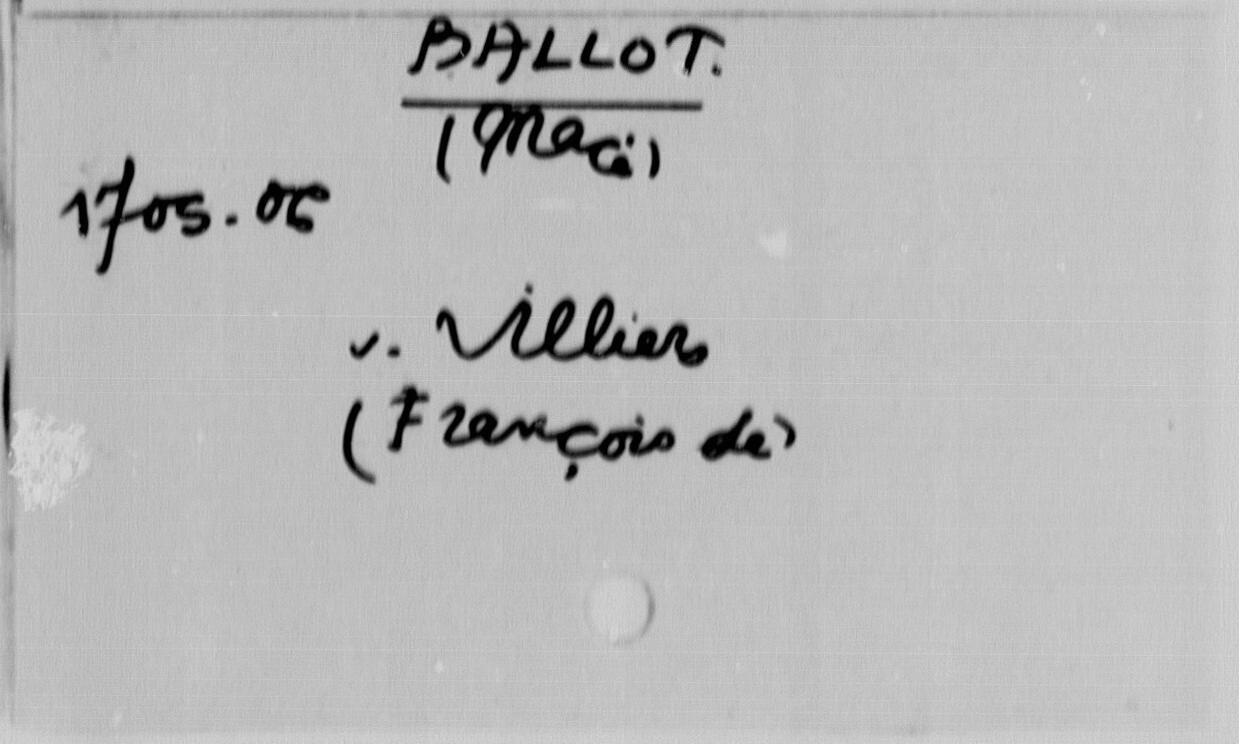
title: BALLOT (Macé)
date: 1705-1706
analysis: Voir VILLIERS (François de)
